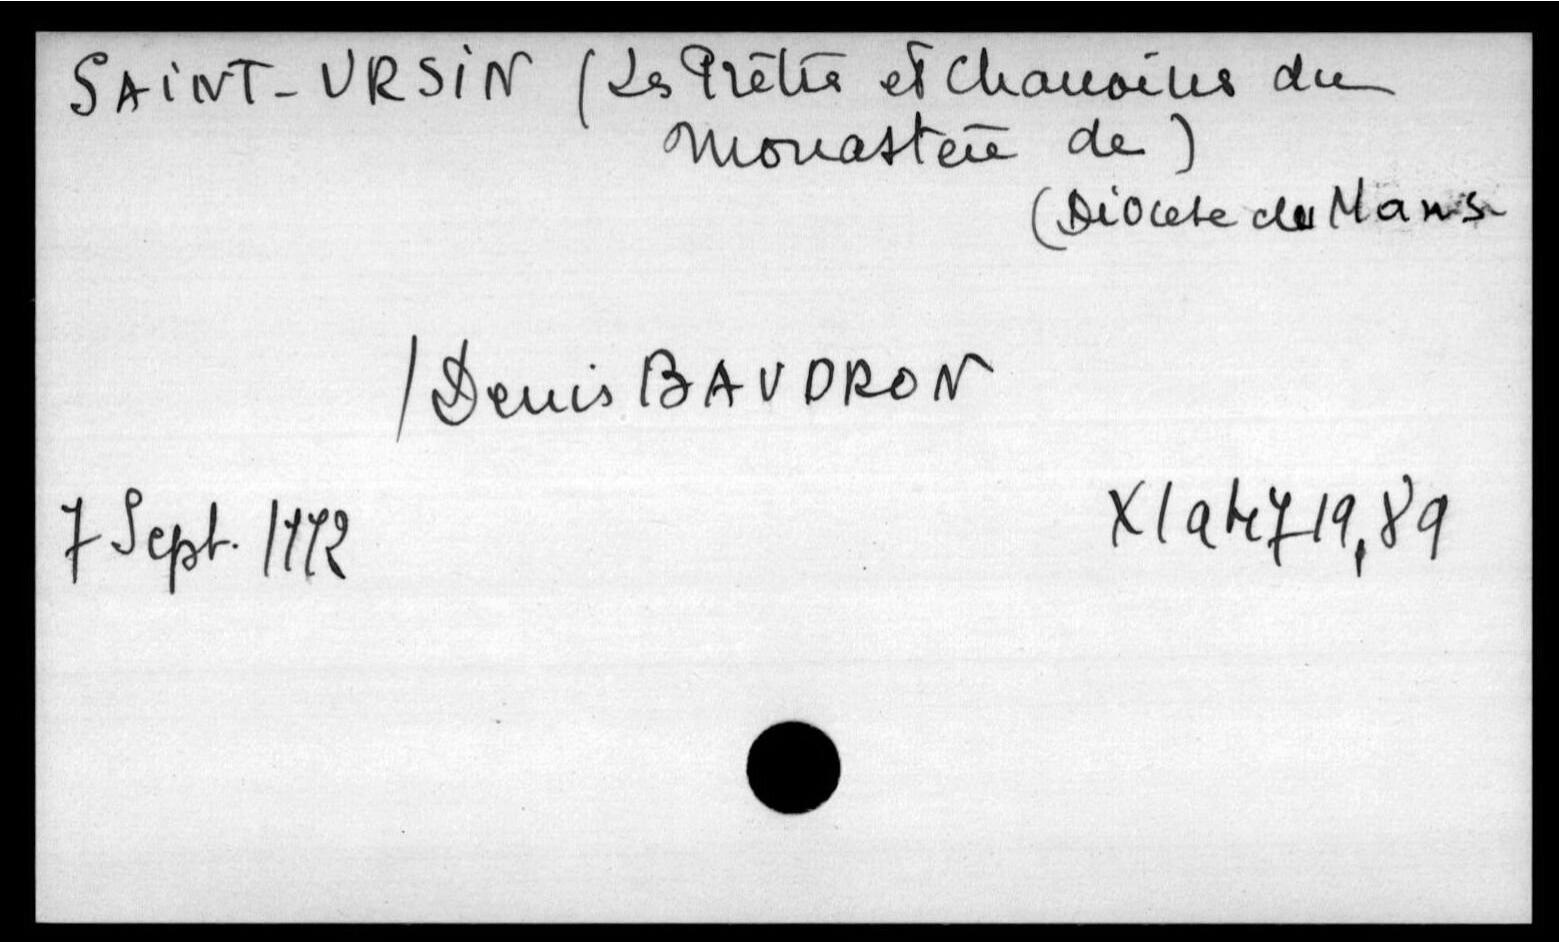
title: SAINT-URSIN (les Prêtre et chanoines du monastère de) [diocèse du Mans]
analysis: Contre Denis BAUDRON
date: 7 septembre 1772
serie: X1a
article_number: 4719
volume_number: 89
